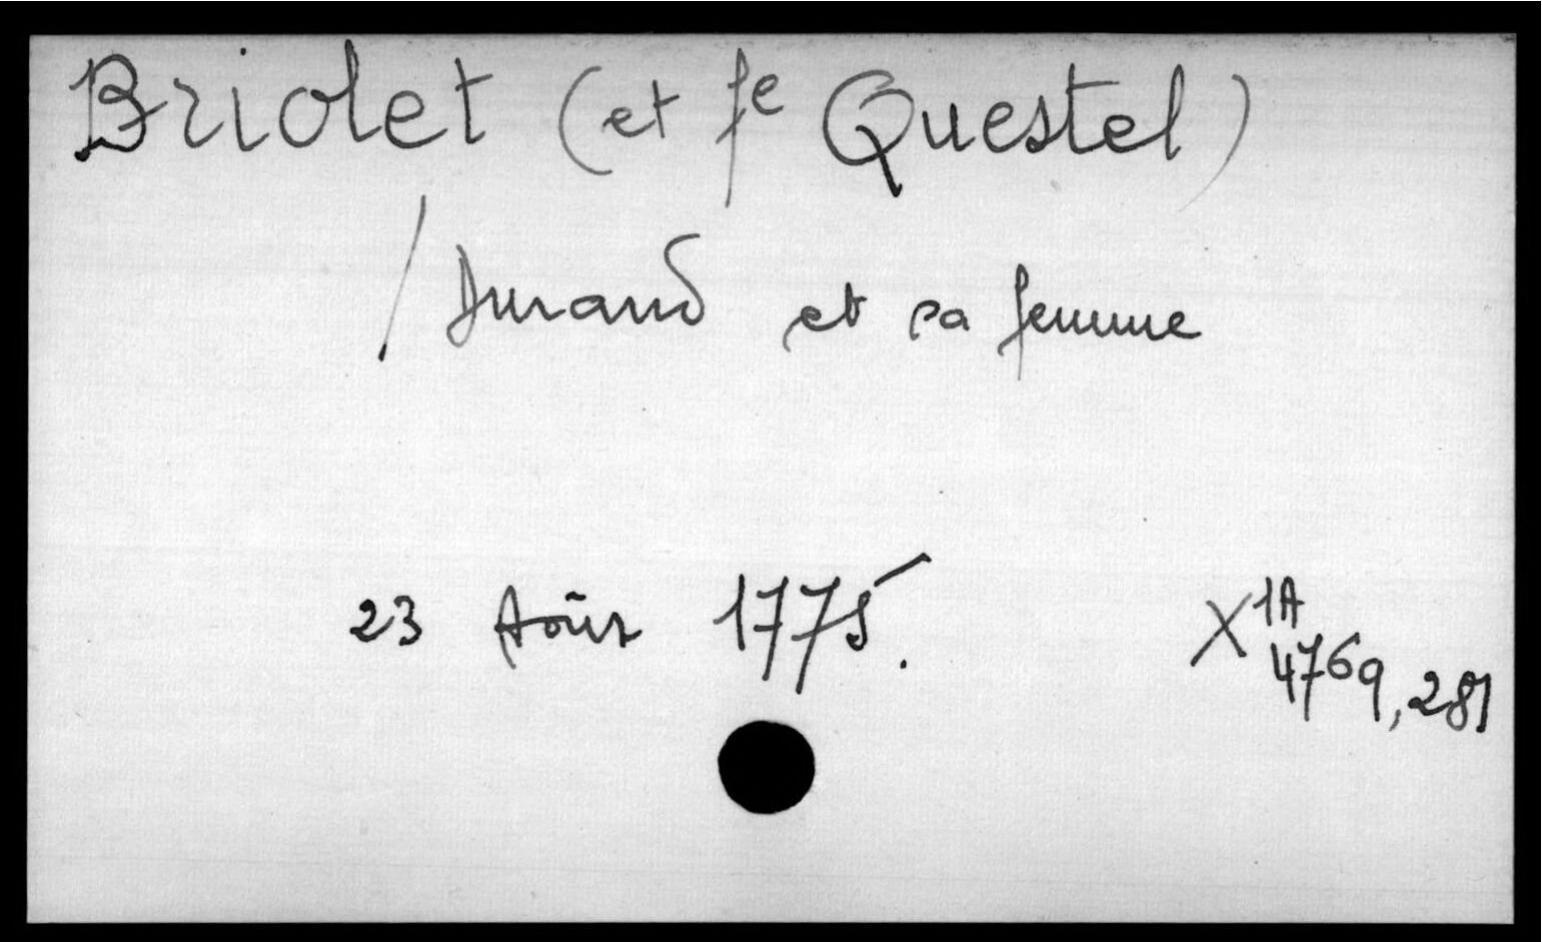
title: BRIOLET (et femme Questel)
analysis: Contre Durand et sa femme
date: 23 août 1775
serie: X1A
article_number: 4769
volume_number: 281
